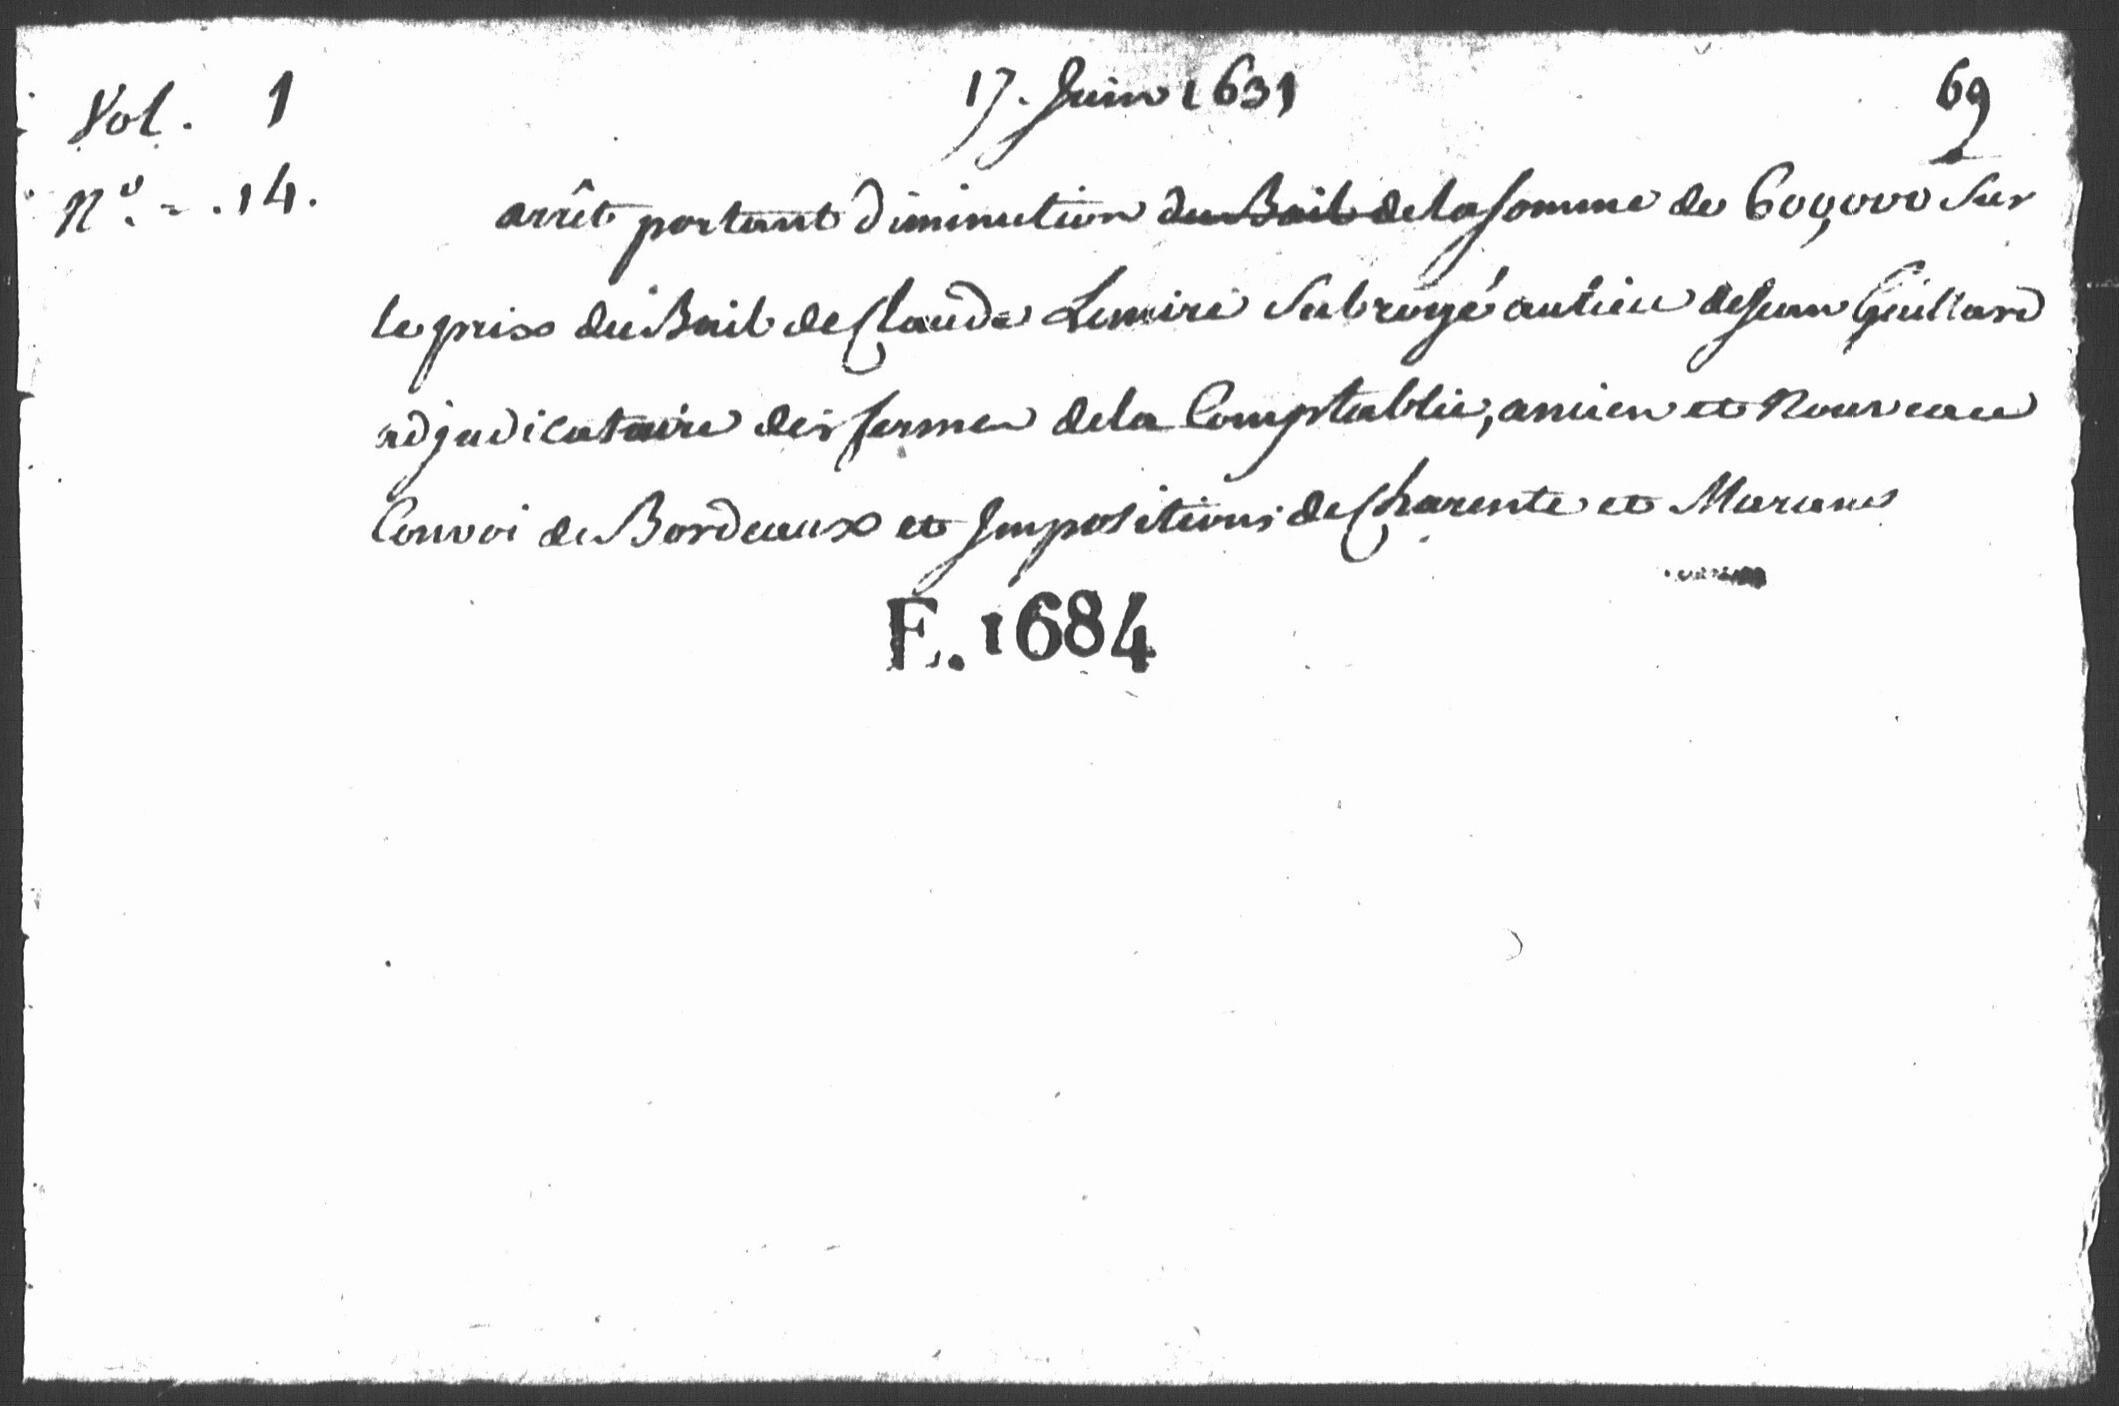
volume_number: n°14
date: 17 juin 1631
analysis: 69
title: arrêt portant diminution [du bail, mots barrés] de la somme de 600,000 # sur le prix du bail de Claude Lemire subrogé au lieu de Jean Guilliard adjudicataire des fermes de la comptablie, ancien et nouveau convoi de Bordeaux et impositions de Charente et Marans
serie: E
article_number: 1684
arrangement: vol. 1
